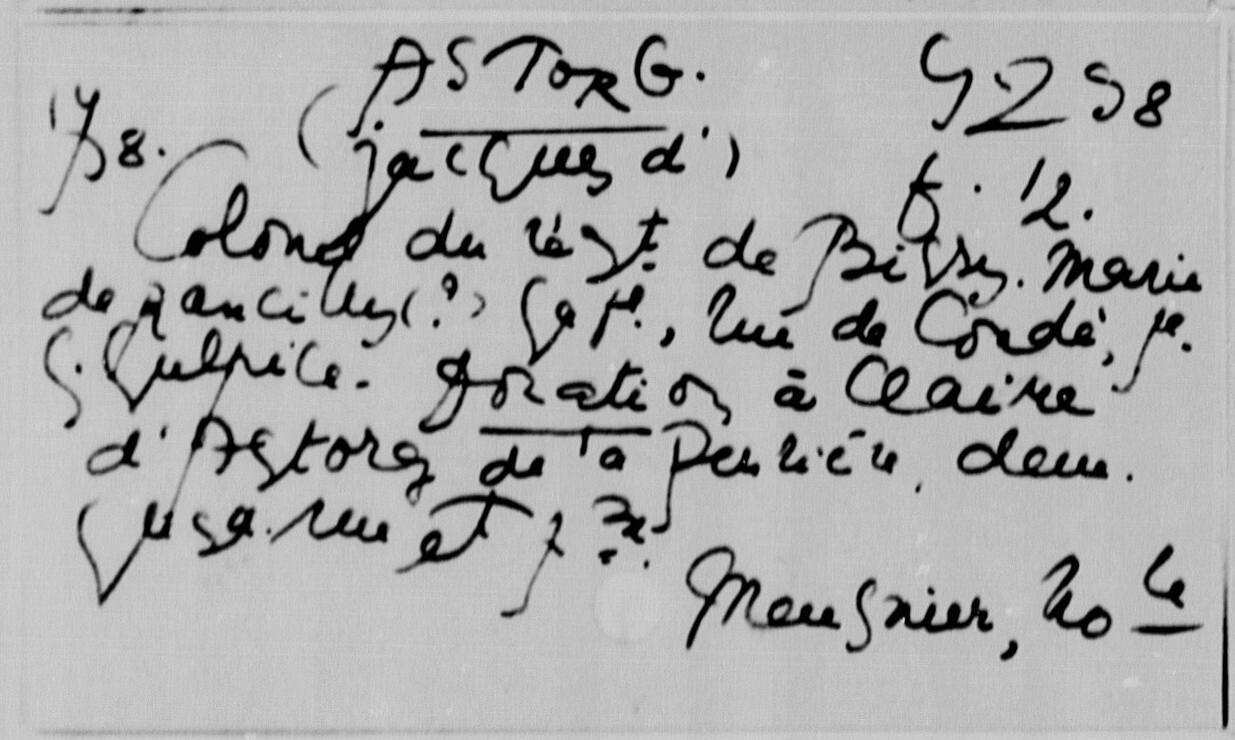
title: ASTORG (Jacques d')
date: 1708
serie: Y
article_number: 298
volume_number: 12
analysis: Colonel du régiment de Bissey. Marie de Rancilly (?), sa femme, rue de Condé, paroisse Saint-Sulpice. Donation à Claire d'ASTORG DE LA PERLIÈRE, demeurant susdites rue et paroisse. Meusnier, notaire.
